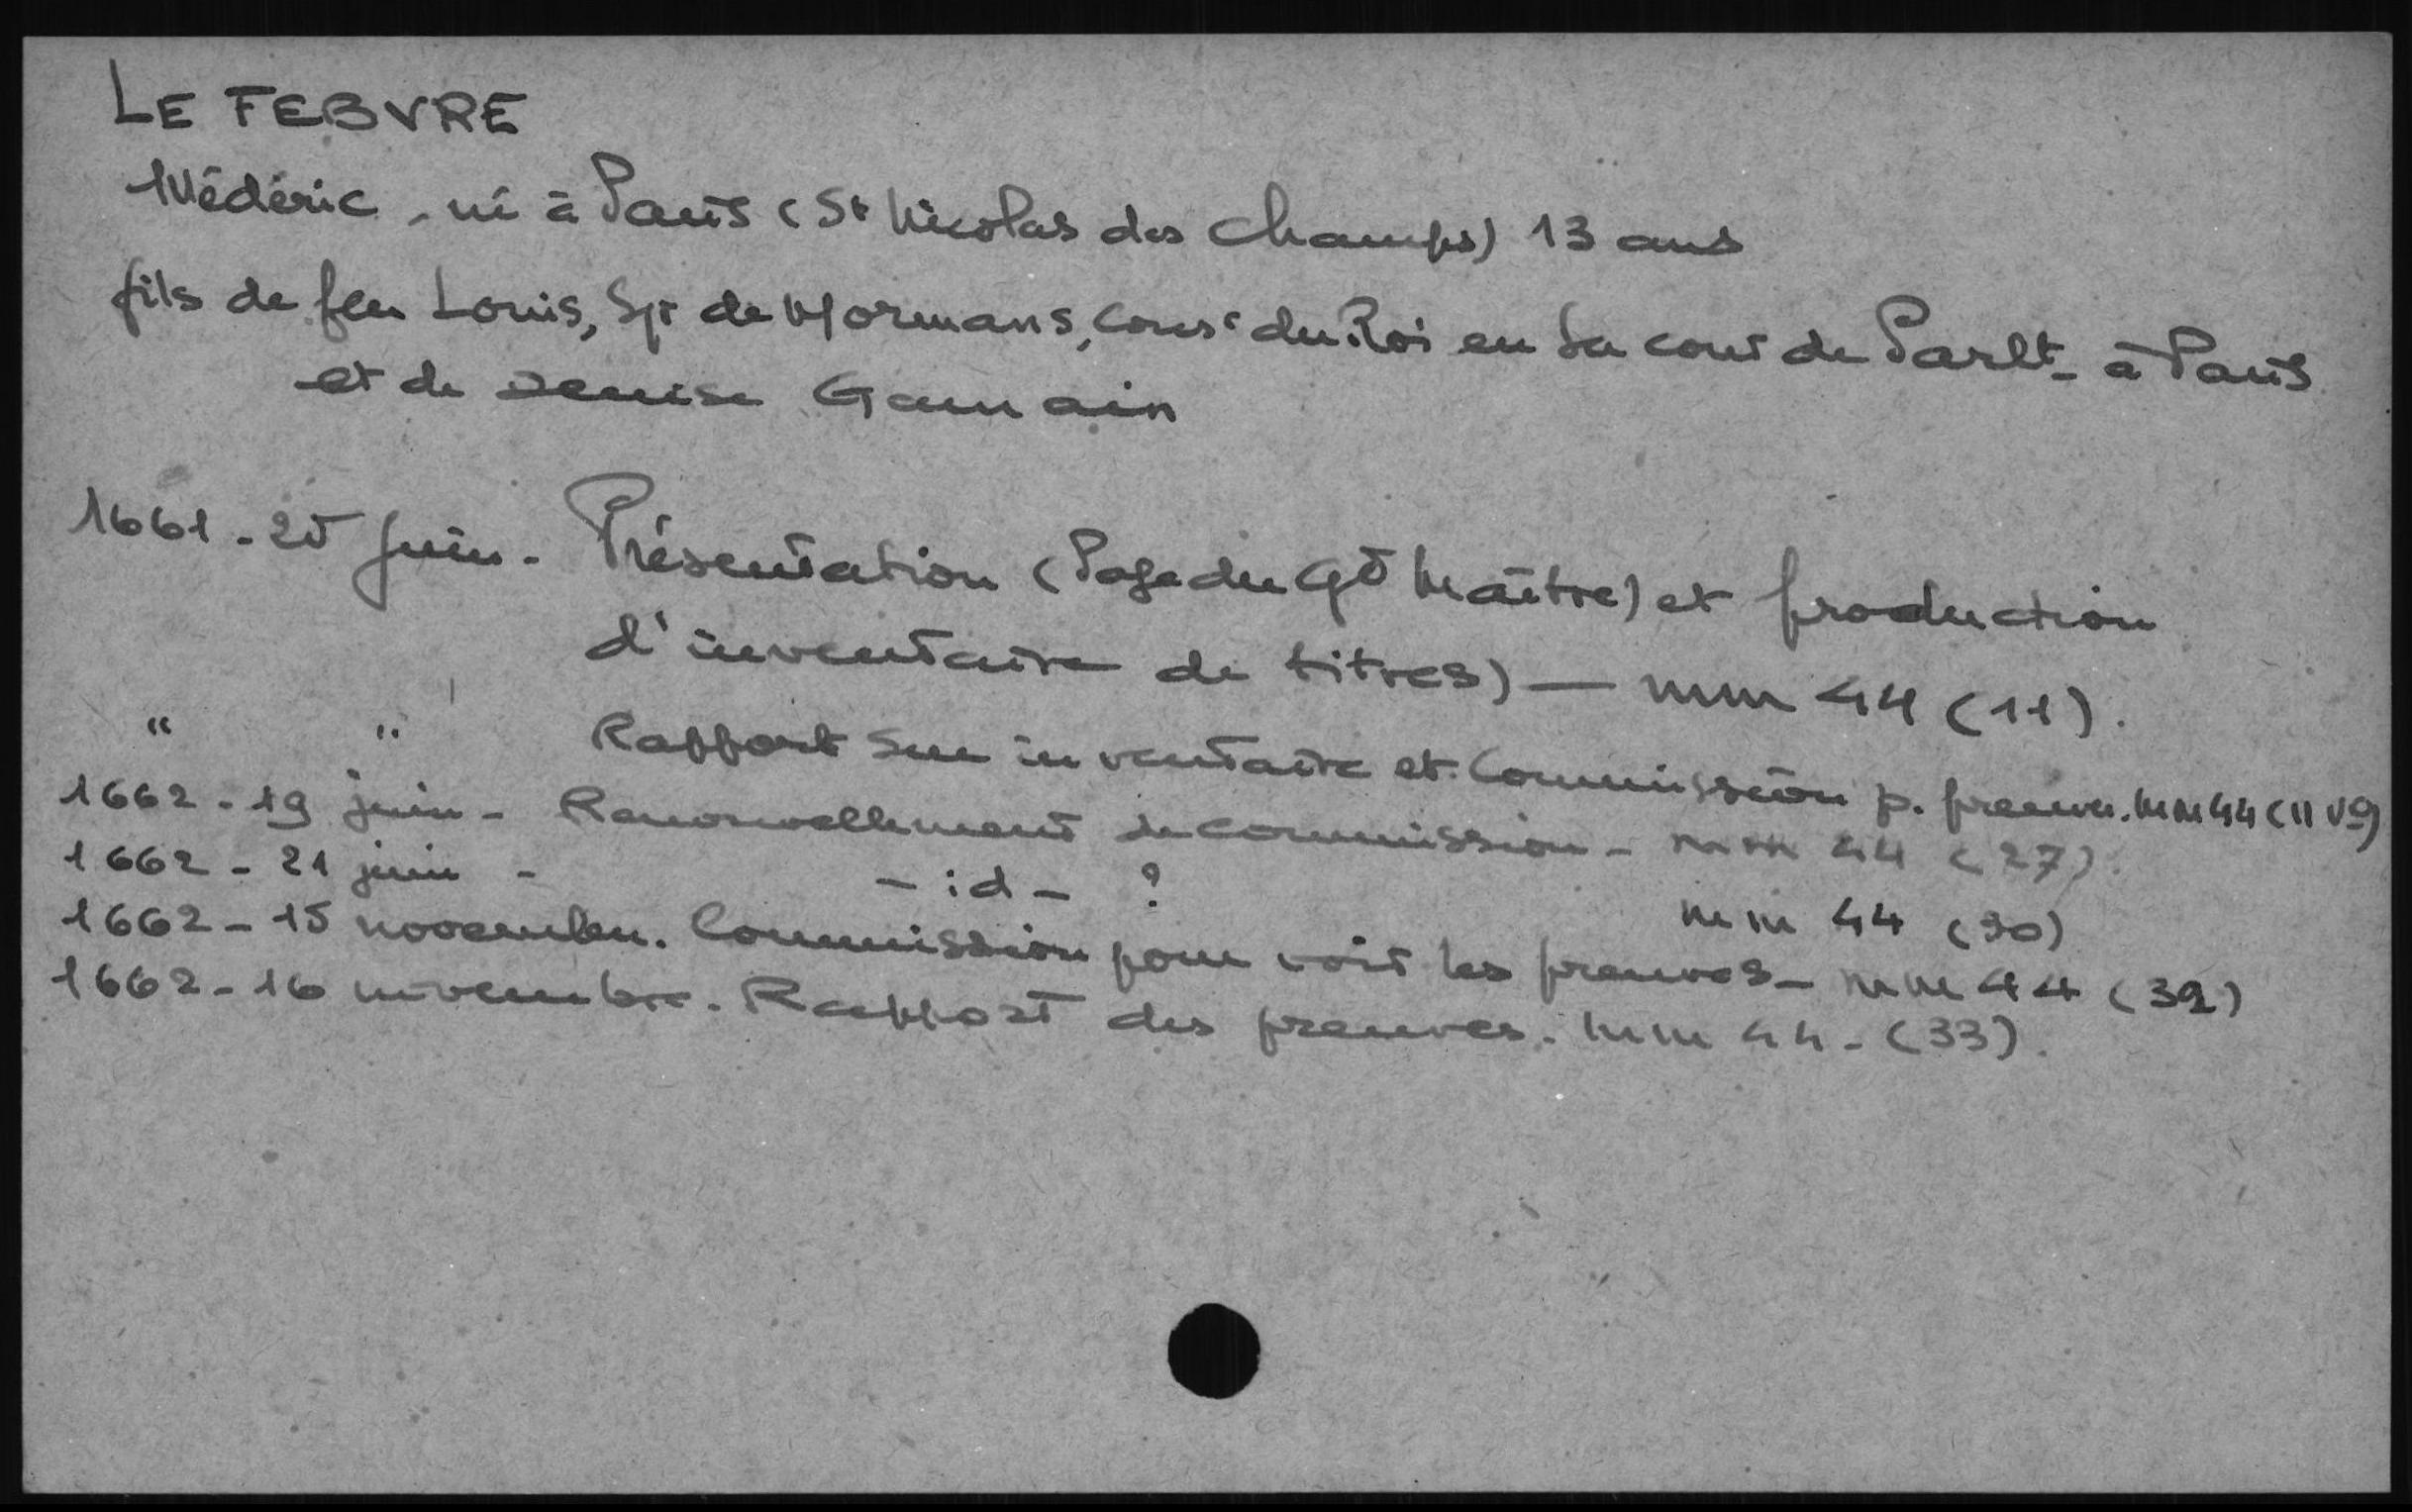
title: LE FEBVRE, Médéric, né à Paris (Saint Nicolas des Champs) 13 ans, fils de feu Louis, Seigneur de Mormans, conseiller du Roi en sa cour de Parlement à Paris et de Denise Gauvain
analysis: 1661, 25 juin. Présentation (Page du Grand Maître) et production d'inventaire de titres. MM 44 (11) " " Rapport sur inventaire et commission pour preuves. MM 44 (11v) 1662, 19 juin. Renouvellement de commission. MM 44 (27) 1662, 21 juin. - idem - ? MM 44 (30) 1662, 15 novembre. Commission pour voir les preuves. MM 44 (31) 1662, 16 novembre. Rapport des preuves. MM 44 (33)
